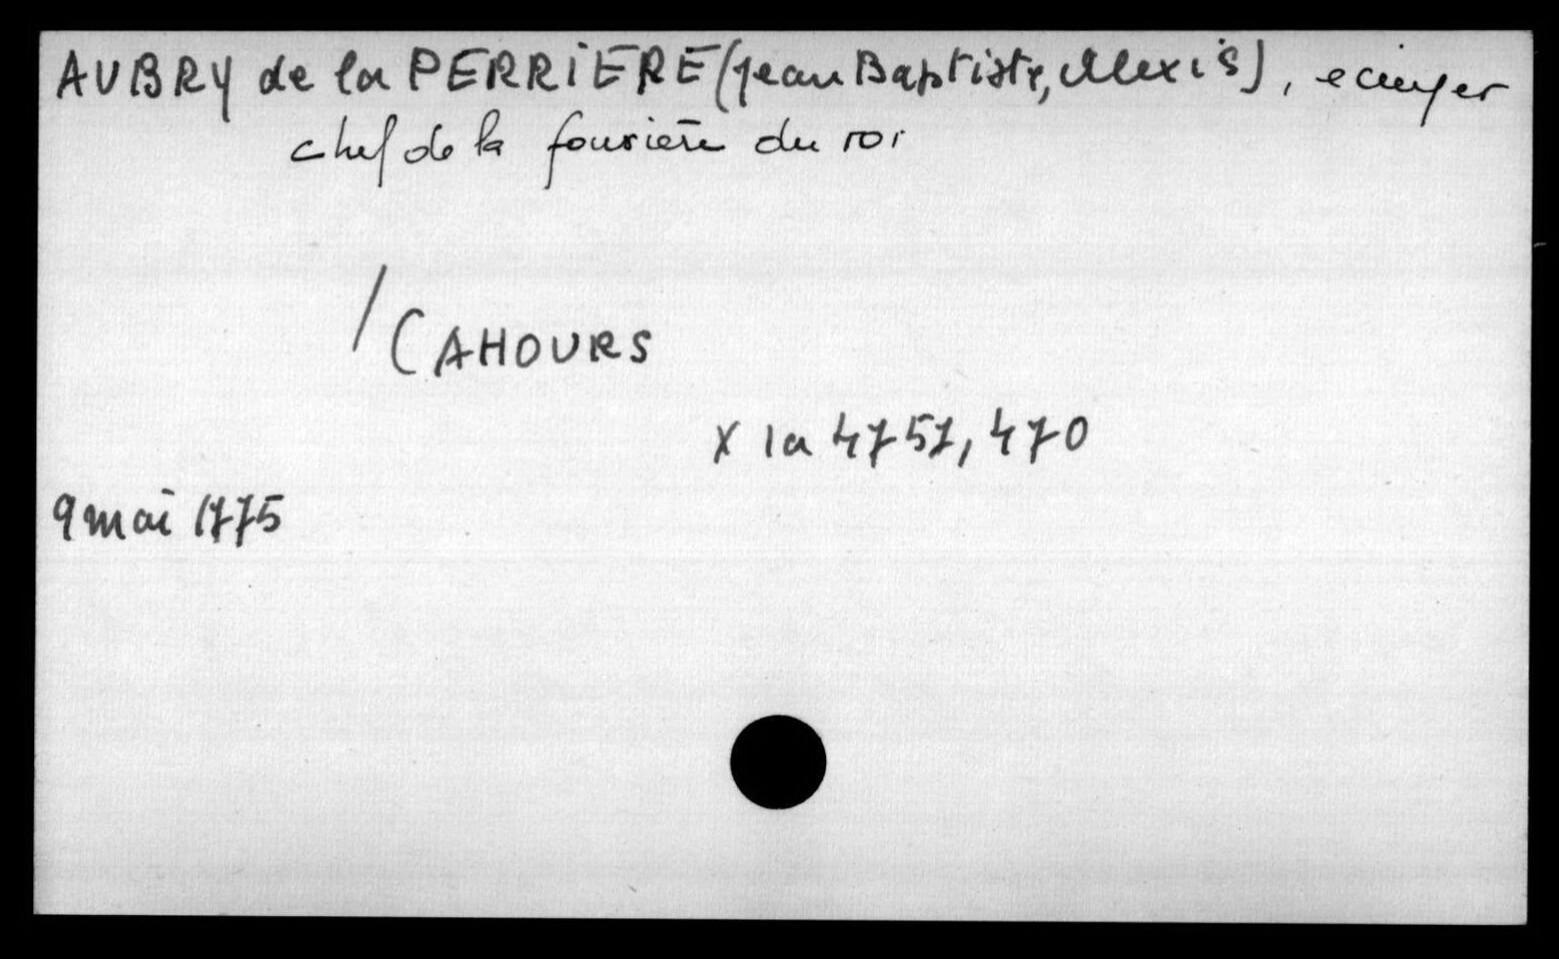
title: AUBRY de la PERRIERE (Jean Baptiste, alexis), éciyer chef de la fourière du roi
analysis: Contre CAHOURS
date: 9 mai 1775
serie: X1a
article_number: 4757
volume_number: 470
